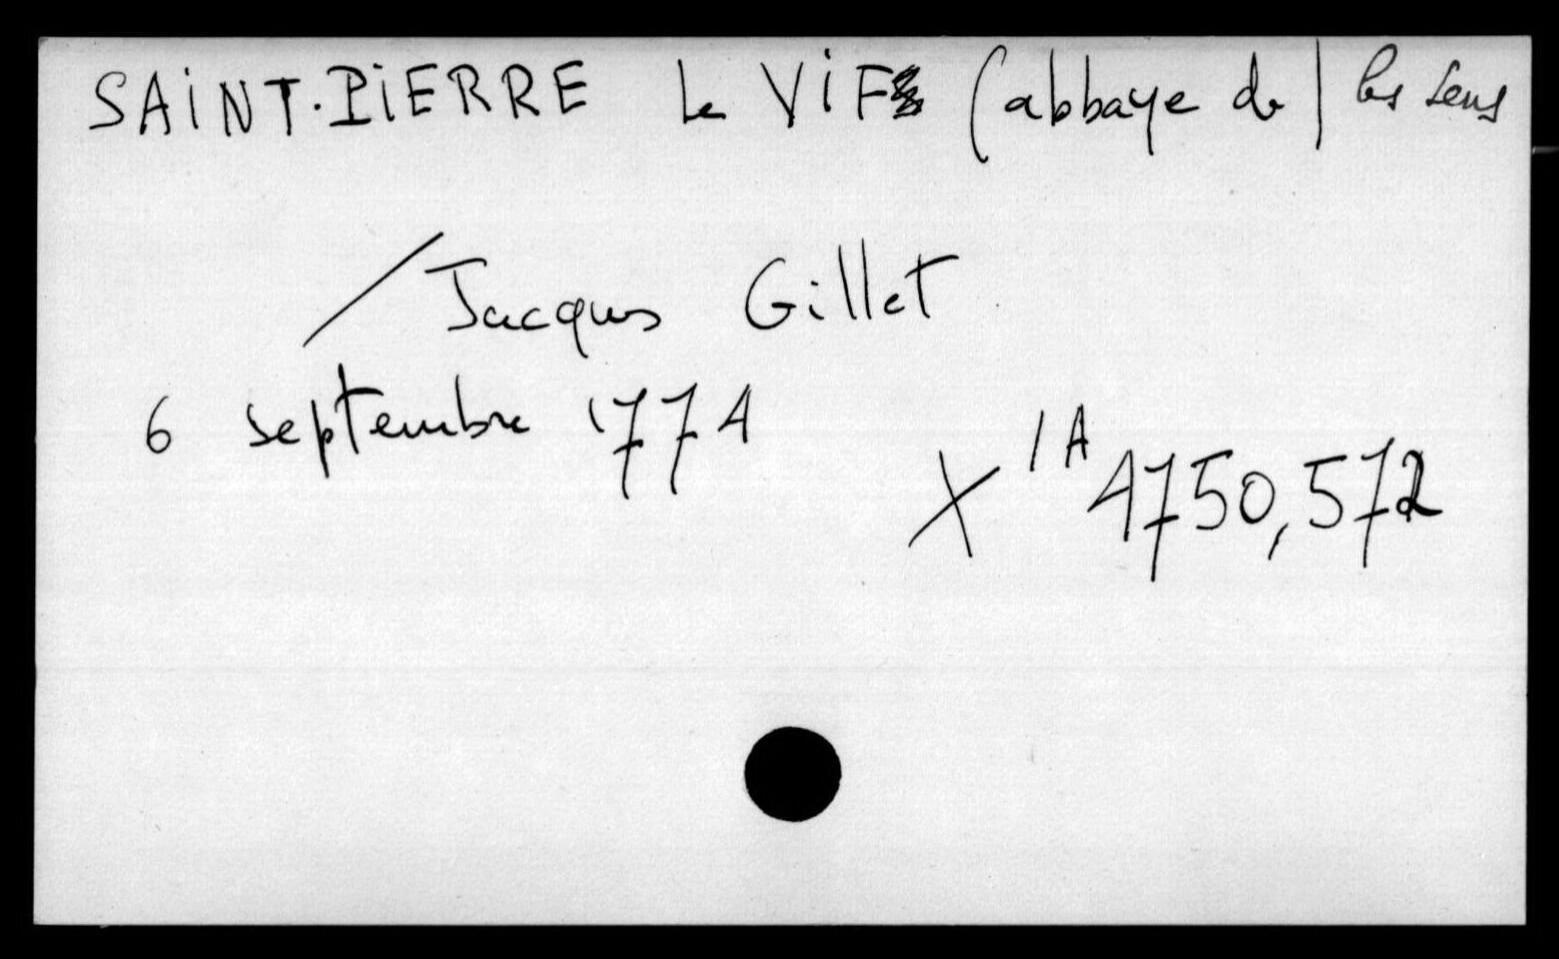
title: SAINT-PIERRE Le VIF (abbaye de) lès Sens
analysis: Contre Jacques Gillet
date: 6 septembre 1774
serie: X1A
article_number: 4750
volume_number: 572
